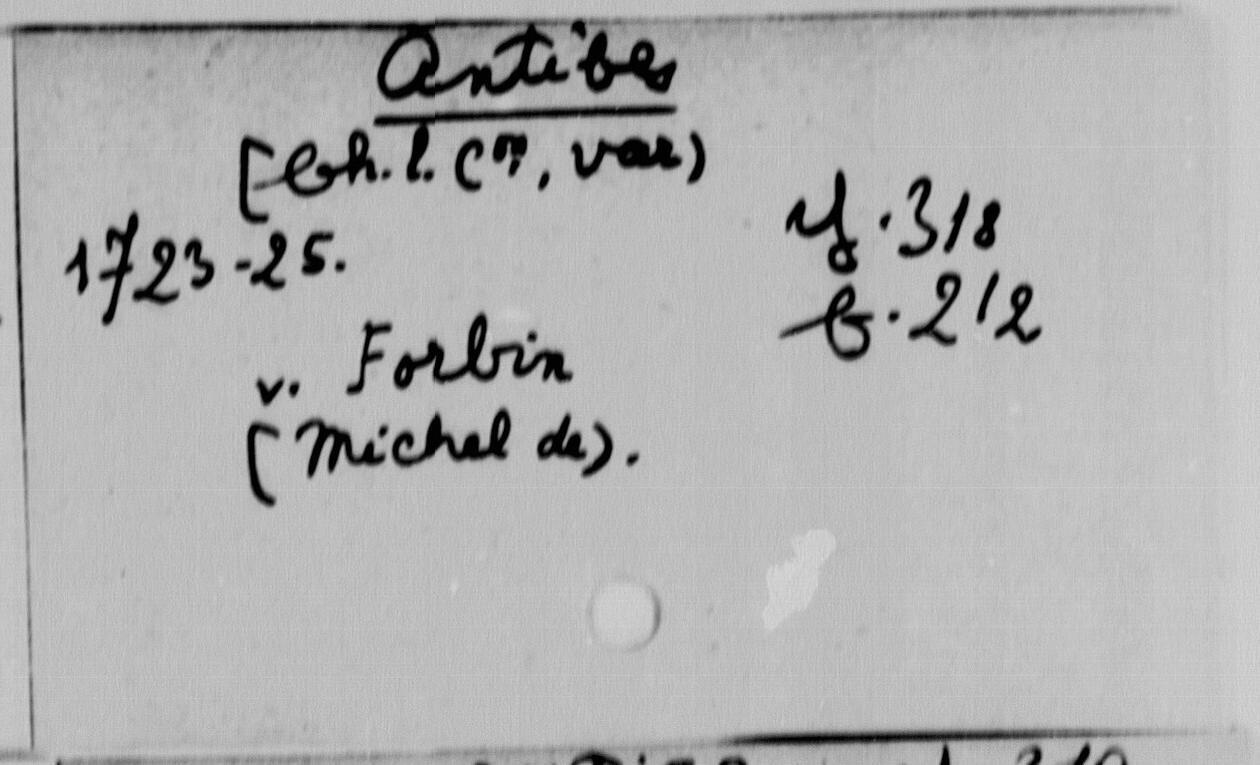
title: ANTIBES (chef-lieu de canton, département du Var)
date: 1723-1725
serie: Y
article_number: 318
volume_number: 212
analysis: Voir FORBIN (Michel de)
